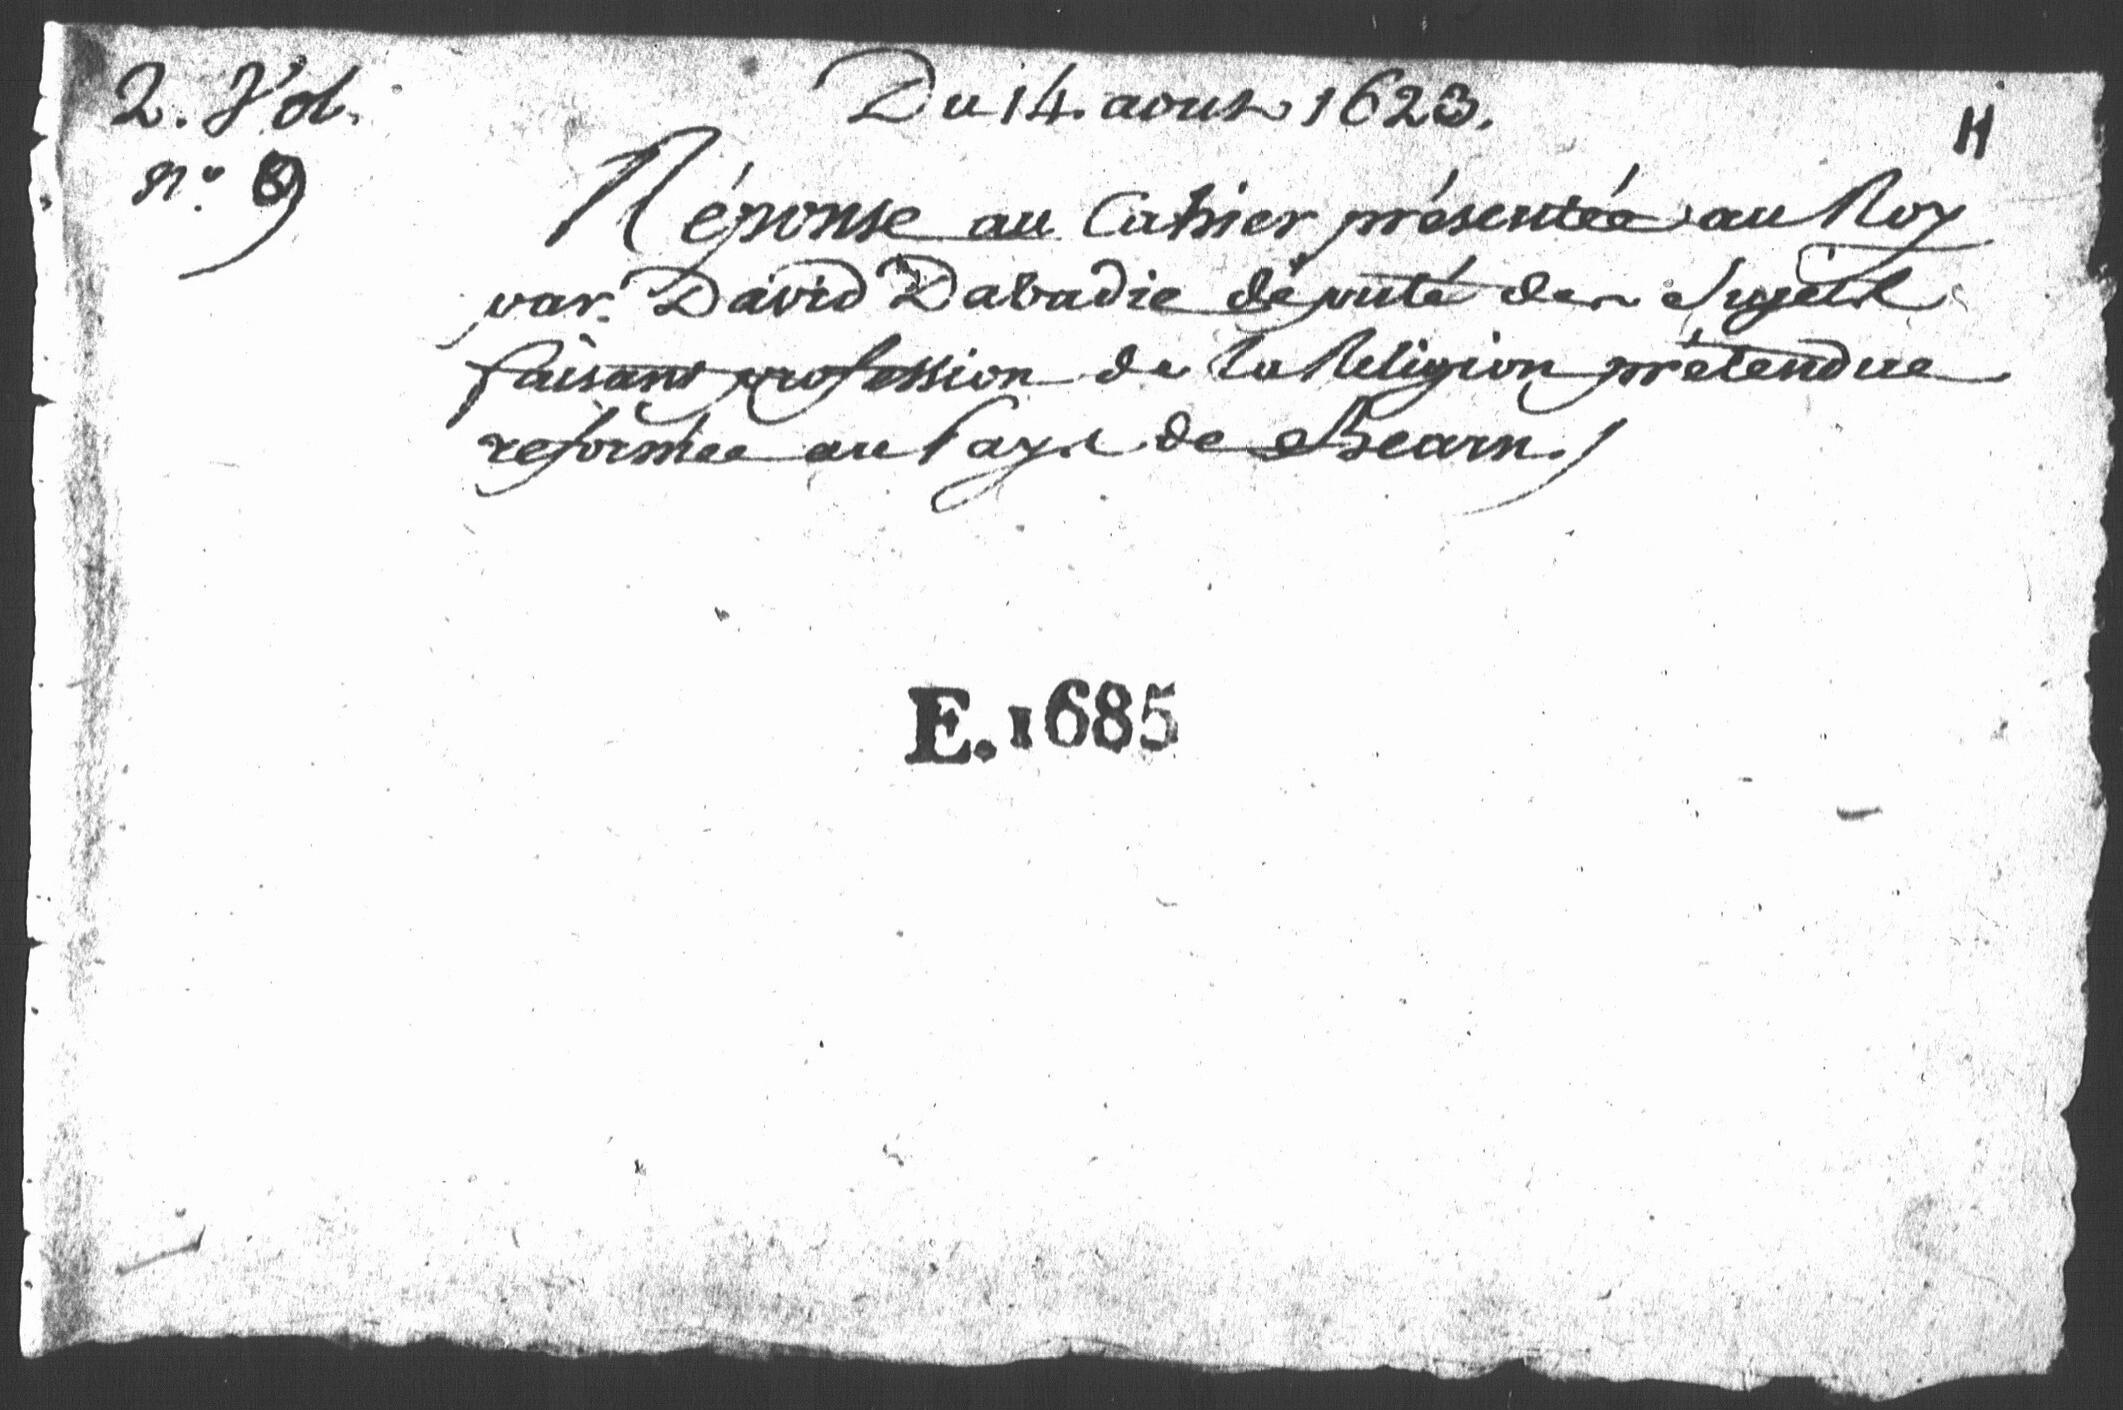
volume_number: n°9
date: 14 août 1623
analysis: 11
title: Réponse au cahier présenté au Roy par David Dabadie députés des sujets faisant profession de la Religion prétendue reformée au Pays de Bearn.
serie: E
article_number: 1685
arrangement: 2 vol.
